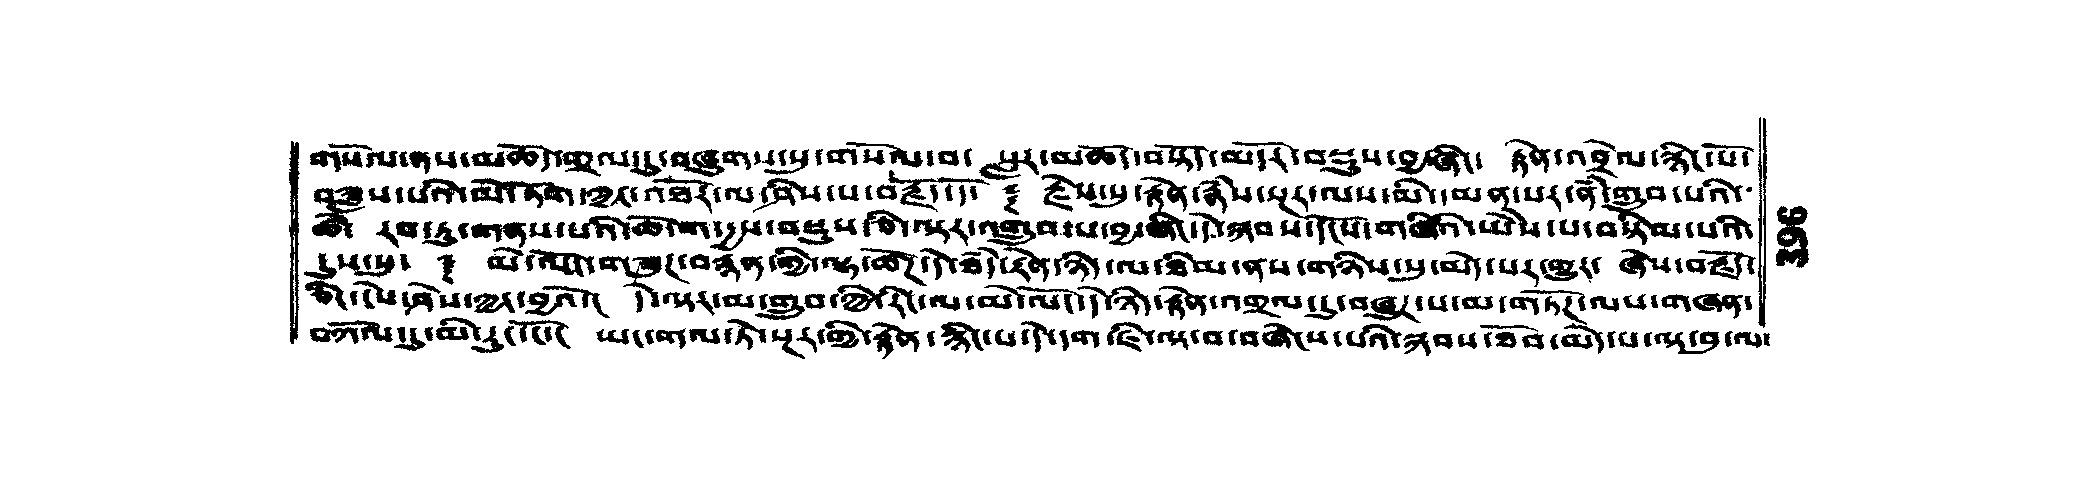གསོལ་ནས་མཆོད་གྲལ་དུ་བཞུགས་སུ་གསོལ་ལ། སླར་མཆོད་བསྟོད་མདོར་བསྡུས་བྱ་ཞིང་། རྟེན་འབྲེལ་སྙིང་པོ་
བཟླས་པའི་མེ་ཏོག་ཀྱང་འཐོར་ལ་ཤིས་པ་བརྗོད་དོ། རྗེས་སུ་རྟེན་རྣམས་སྔར་ལས་མི་དམན་པར་ནམ་གྲུབ་པའི་
ཚེ།རབ་ཏུ་གནས་པའི་ཆོ་ག་རྒྱས་བསྡུས་ཅི་ལྟར་འགྲུབ་པ་བྱ་ཞིང་དེ་སྐབས་དངོས་གཞིའི་ཡེ་ཤེས་པ་བསྟིམ་པའི་
དུས་སུ། མེ་ལོང་གཟུགས་བརྙན་གྱི་ལྷ་ཚོགས་དེ་ཐམས་ཅད་རྟེན་ཉིད་ལ་ཐིམ་ནས་གཉིས་སུ་མེད་པར་གྱུར། ཞེས་བརྗོད་
ཅིང་ངེས་ཤེས་ཀྱང་བྱའོ། དེ་ལྟར་མ་གྲུབ་ཀྱི་རིང་ལ་མེ་ལོང་དེ་ཉིད་རྟེན་འགྲལ་དུ་བཞུགས་པ་མ་གཏོགས་ལས་གཞན་
བཀོལ་དུ་མི་རུང་ངོ་། ཡང་གལ་ཏེ་སྔར་གྱི་རྟེན་སྙིང་པ་དེ་དག་ཇི་ལྟ་བ་བཞེངས་པའི་སྐབས་ཐོབ་མེད་པ་ལྟ་བུ་ལ་